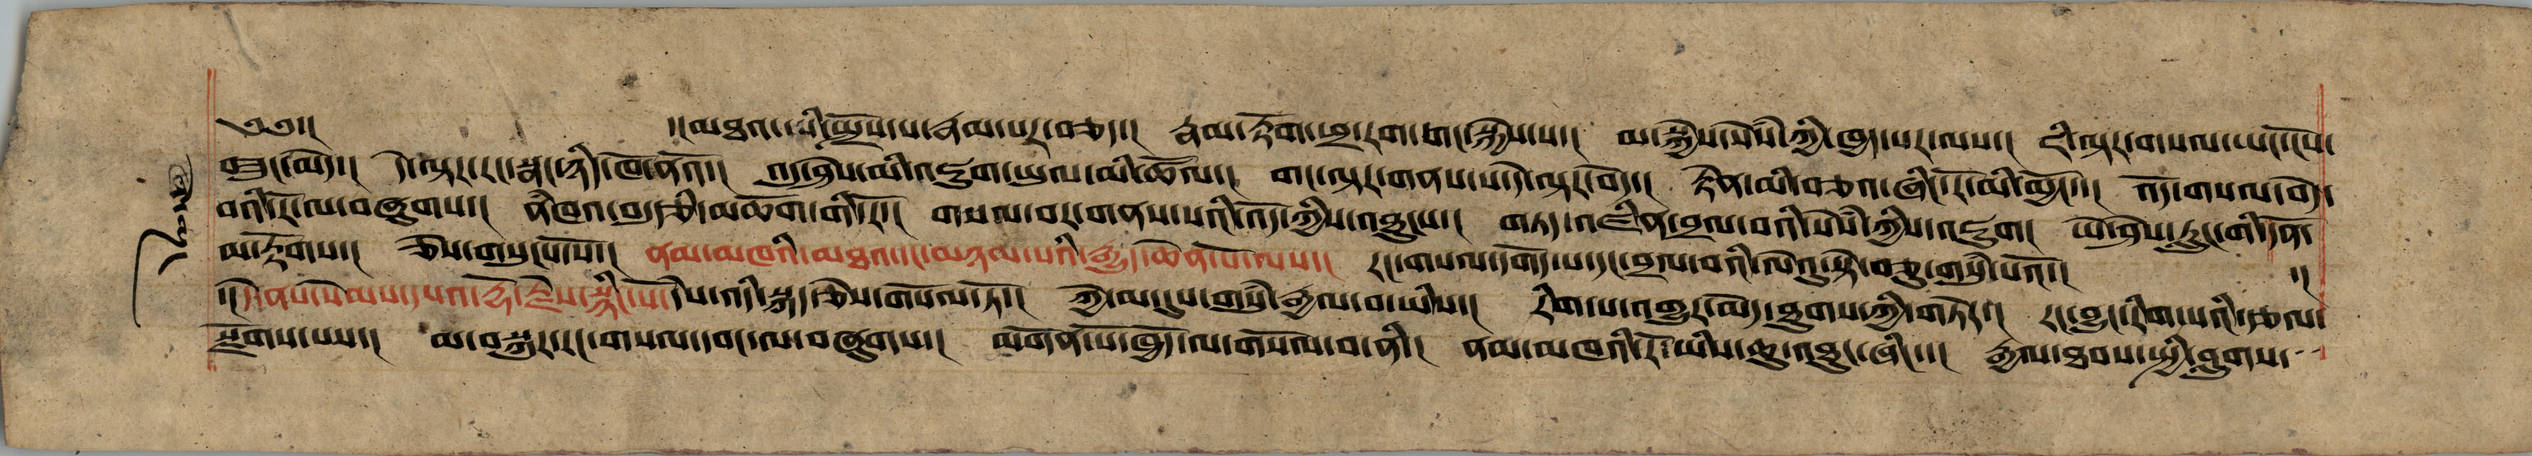༄༅་། ་།མཐའ་ཡི་སྤྲོས་པ་རྣམ་པར་བཅད་། རྣམ་རྟོག་ཕྲ་རག་གང་སྐྱེས་པ་། མ་སྐྱེས་སེསཾ་ཀྱི་ཁྱད་པར་ལས་། ཇི་ལྟར་གསལ་ཡང་ངོས་
བཟུང་མེད་། དེ་ལྟར་རང་སྣང་ཉིད་ཁོ་ནའོ་། འདུ་ཤེས་མི་འཇུག་ཡུལ་མི་ཚོལ་། གང་ལྟར་གནས་པ་དེ་ལྟར་བདེ་། རྟེན་མི་བཅའ་ཞིང་རོ་མི་མྱོང་་། འདོ་གསལ་བདེ་
བའི་རོ་ལ་བཞུགས་། ནཾཁའ་བདུདཅི་མཆོག་གི་རོ་། གསལ་བར་གནས་པའི་འོད་ཀྱིས་འཐུངས་། གཏད་འཛིན་བྲལ་བའི་སེསཾ་ཀྱིས་འཇུག། ཡེ་ཤེས་རླུང་གི་དོན་
མ་རྟོགས་། ཅེས་གསུངས་སོ་། ནམ་མཁའི་མཐའ་དང་མཉམ་པའི་རྒྱུད་ཆེན་པོ་ལས་། རང་གསལ་དགོད་པ་དང་བྲལ་བའི་ལེའུ་སྟེ་བཅུ་གསུཾ་པའོ་། ་།
་།དེ་ནས་སེམས་དཔའ་རྡོ་རྗེས་སྙིང་པོ་དེས་འདི་སྐད་ཅེས་གསོལ་ཏོ་། ཀྱེ་མ་དུས་གསུམ་རྒྱལ་བ་ཡིས་། རིག་པ་འགྱུར་མེད་ཐུགས་ཀྱི་གཏེར་། རང་བྱུང་རིག་པའི་རྩལ་
སྫོགས་པས་། མ་བསྐུར་རང་གསལ་དབང་ལ་བཞུགས་། མགོན་པོ་ཁྱོད་ལ་གསོལ་བ་ནི་། ནམ་མཁའི་རོ་ཡིས་ཆུ་འཐུང་ཞིང་་། རྒྱལ་ཐབས་སྤྱི་བླུགས་